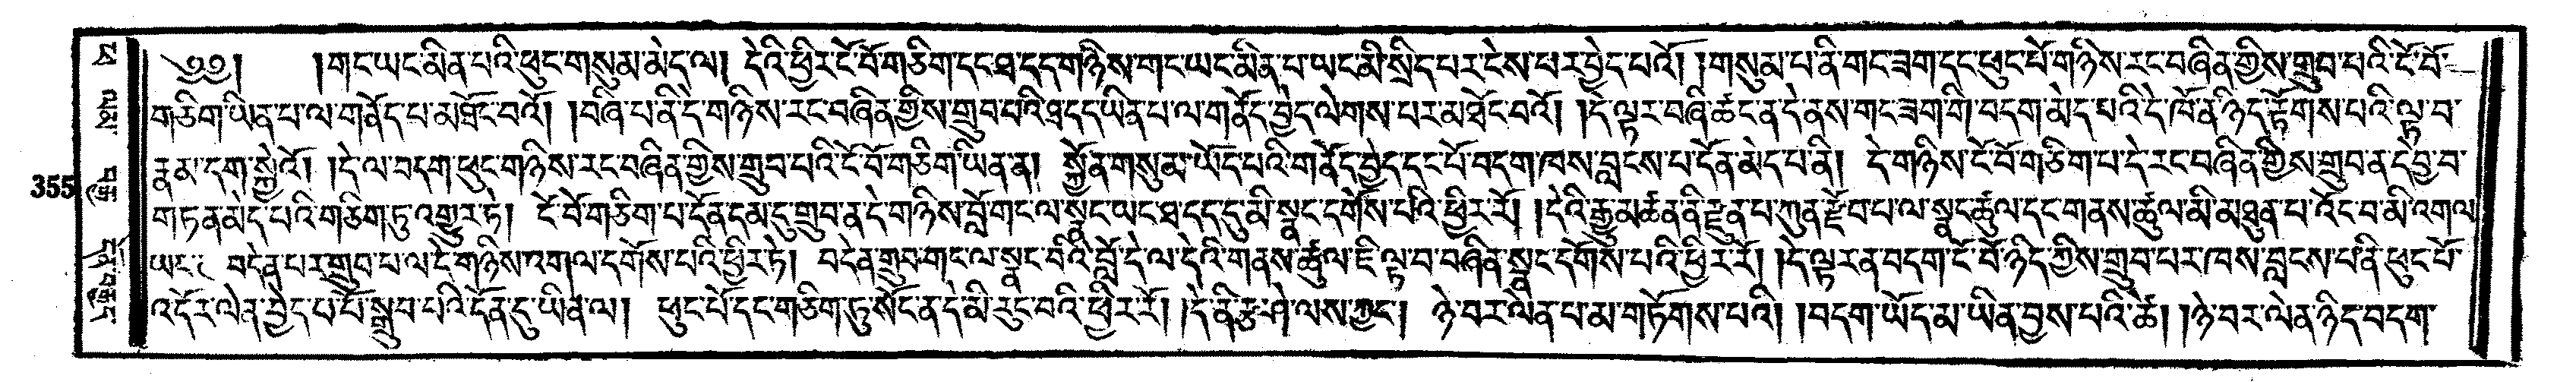༄༅། །གང་ཡང་མིན་པའི་ཕུང་གསུམ་མེད་ལ། དེའི་ཕྱིར་ངོ་བོ་གཅིག་དང་ཐ་དད་གཉིས་གང་ཡང་མིན་པ་ཡང་མི་སྲིད་པར་ངེས་པར་བྱེད་པའོ། །གསུམ་པ་ནི་གང་ཟག་དང་ཕུང་པོ་གཉིས་རང་བཞིན་གྱིས་གྲུབ་པའི་ངོ་བོ་
གཅིག་ཡིན་པ་ལ་གནོད་པ་མཐོང་བའོ། །བཞི་པ་ནི་དེ་གཉིས་རང་བཞིན་གྱིས་གྲུབ་པའི་ཐ་དད་ཡིན་པ་ལ་གནོད་བྱེད་ལེགས་པར་མཐོང་བའོ། །དེ་ལྟར་བཞི་ཚང་ན་དེ་ནས་གང་ཟག་གི་བདག་མེད་པའི་དེ་ཁོ་ན་ཉིད་རྟོགས་པའི་ལྟ་བ་
རྣམ་དག་སྐྱེའོ། །དེ་ལ་བདག་ཕུང་གཉིས་རང་བཞིན་གྱིས་གྲུབ་པའི་ངོ་བོ་གཅིག་ཡིན་ན། སྐྱོན་གསུམ་ཡོད་པའི་གནོད་བྱེད་དང་པོ་བདག་ཁས་བླངས་པ་དོན་མེད་པ་ནི། དེ་གཉིས་ངོ་བོ་གཅིག་པ་དེ་རང་བཞིན་གྱིས་གྲུབ་ན་དེ་བྱ་བ་
གཏན་མེད་པའི་གཅིག་ཏུ་འགྱུར་ཏེ། ངོ་བོ་གཅིག་པ་དོན་དམ་དུ་གྲུབ་ན་དེ་གཉིས་བློ་གང་ལ་སྣང་ཡང་ཐ་དད་དུ་མི་སྣང་དགོས་པའི་ཕྱིར་རོ། །དེའི་རྒྱུ་མཚན་ནི་རྫུན་པ་ཀུན་རྫོབ་པ་ལ་སྣང་ཚུལ་དང་གནས་ཚུལ་མི་མཐུན་པ་འོང་བ་མི་འགལ་
ཡང༑ བདེན་པར་གྲུབ་པ་ལ་དེ་གཉིས་འགལ་དགོས་པའི་ཕྱིར་ཏེ། བདེན་གྲུབ་གང་ལ་སྣང་བའི་བློ་དེ་ལ་དེའི་གནས་ཚུལ་ཇི་ལྟ་བ་བཞིན་སྣང་དགོས་པའི་ཕྱིར་རོ། །དེ་ལྟར་ན་བདག་ངོ་བོ་ཉིད་ཀྱིས་གྲུབ་པར་ཁས་བླངས་པ་ནི་ཕུང་པོ་
འདོར་ལེན་བྱེད་པ་པོ་སྒྲུབ་པའི་དོན་དུ་ཡིན་ལ། ཕུང་པོ་དང་གཅིག་ཏུ་སོང་ན་དེ་མི་རུང་བའི་ཕྱིར་རོ། །དེ་ནི་རྩ་ཤེ་ལས་ཀྱང་། ཉེ་བར་ལེན་པ་མ་གཏོགས་པའི། །བདག་ཡོད་མ་ཡིན་བྱས་པའི་ཚེ། །ཉེ་བར་ལེན་ཉིད་བདག་